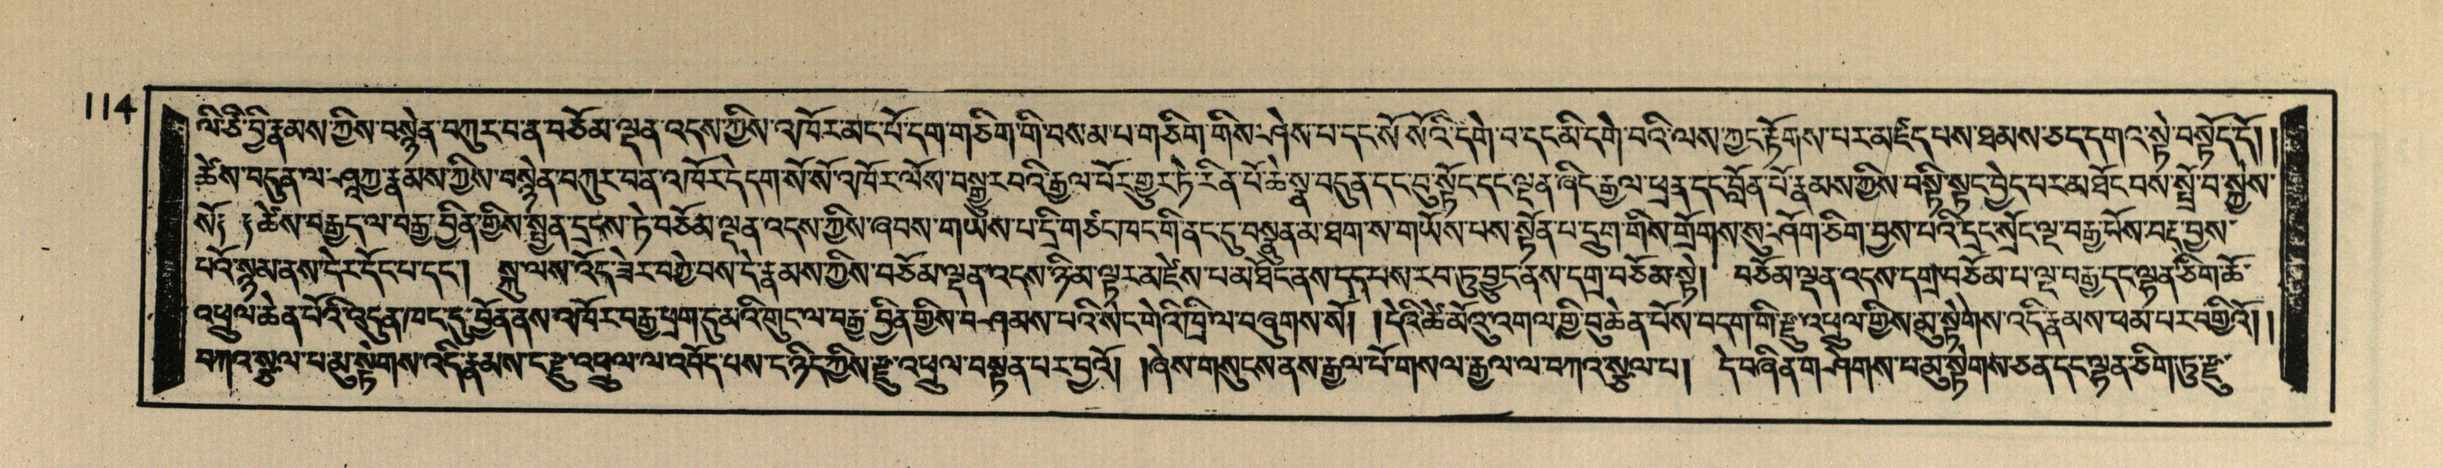ལི་ཙི་བྱི་རྣམས་ཀྱིས་བསྙེན་བཀུར་བ་ན་བཅོམ་ལྡན་འདས་ཀྱིས་འཁོར་མང་པོ་དག་གཅིག་གི་བསམ་པ་གཅིག་གིས་ཤེས་པ་དང་སོ་སོའི་དགེ་བ་དང་མི་དགེ་བའི་ལས་ཀྱང་རྟོགས་པར་མཛད་པས་ཐམས་ཅད་དགའ་སྟེ་བསྟོད་དོ། །
ཚེས་བདུན་ལ་ཤཱཀྱ་རྣམས་ཀྱིས་བསྙེན་བཀུར་བ་ན་འཁོར་དེ་དག་སོ་སོ་འཁོར་ལོས་བསྒྱུར་བའི་རྒྱལ་པོར་གྱུར་ཏེ་རིན་པོ་ཆེ་སྣ་བདུན་དང་བུ་སྟོང་དང་ལྡན་ཞིང་རྒྱལ་ཕྲན་དང་བློན་པོ་རྣམས་ཀྱིས་བསྟི་སྟང་བྱེད་པར་མཐོང་བས་སྤྲོ་བ་སྐྱེས་
སོ༑ ༑ཚེས་བརྒྱད་ལ་བརྒྱ་བྱིན་གྱིས་སྤྱན་དྲངས་ཏེ་བཅོམ་ལྡན་འདས་ཀྱིས་ཞབས་གཡས་པ་དྲི་གཙང་ཁང་གི་ནང་དུ་བསྣུན་མ་ཐག་ས་གཡོས་པས་སྟོན་པ་དྲུག་གིས་གྲོགས་སུ་ཤོག་ཅིག་བྱས་པའི་དྲང་སྲོང་ལྔ་བརྒྱ་པོས་བརྡ་བྱས་
པའོ་སྙམ་ནས་དེར་དོང་པ་དང་། སྐུ་ལས་འོད་ཟེར་བཀྱེ་བས་དེ་རྣམས་ཀྱིས་བཅོམ་ལྡན་འདས་ཉི་མ་ལྟར་མཛེས་པ་མཐོང་ནས་དད་པས་རབ་ཏུ་བྱུང་ནས་དགྲ་བཅོམ་སྟེ། བཅོམ་ལྡན་འདས་དགྲ་བཅོམ་པ་ལྔ་བརྒྱ་དང་ལྷན་ཅིག་ཆོ་
འཕྲུལ་ཆེན་པོའི་འདུན་ཁང་དུ་བྱོན་ནས་འཁོར་བརྒྱ་ཕྲག་དུ་མའི་གུང་ལ་བརྒྱ་བྱིན་གྱིས་བཤམས་པའི་སེང་གེའི་ཁྲི་ལ་བཞུགས་སོ། །དེའི་ཚེ་མོའུ་འགལ་གྱི་བུ་ཆེན་པོས་བདག་གི་རྫུ་འཕྲུལ་གྱིས་མུ་སྟེ་གེས་འདི་རྣམས་ཕམ་པར་བགྱིའོ། །
བཀའ་སྩལ་པ་མུ་སྟེགས་འདི་རྣམས་ང་རྫུ་འཕྲུལ་ལ་འབོད་པས་ང་ཉིད་ཀྱིས་རྫུ་འཕྲུལ་བསྟན་པར་བྱའོ། །ཞེས་གསུངས་ནས་རྒྱལ་པོ་གསལ་རྒྱལ་ལ་བཀའ་སྩལ་པ། དེ་བཞིན་གཤེགས་པ་མུ་སྟེགས་ཅན་དང་ལྷན་ཅིག་ཏུ་རྫུ་